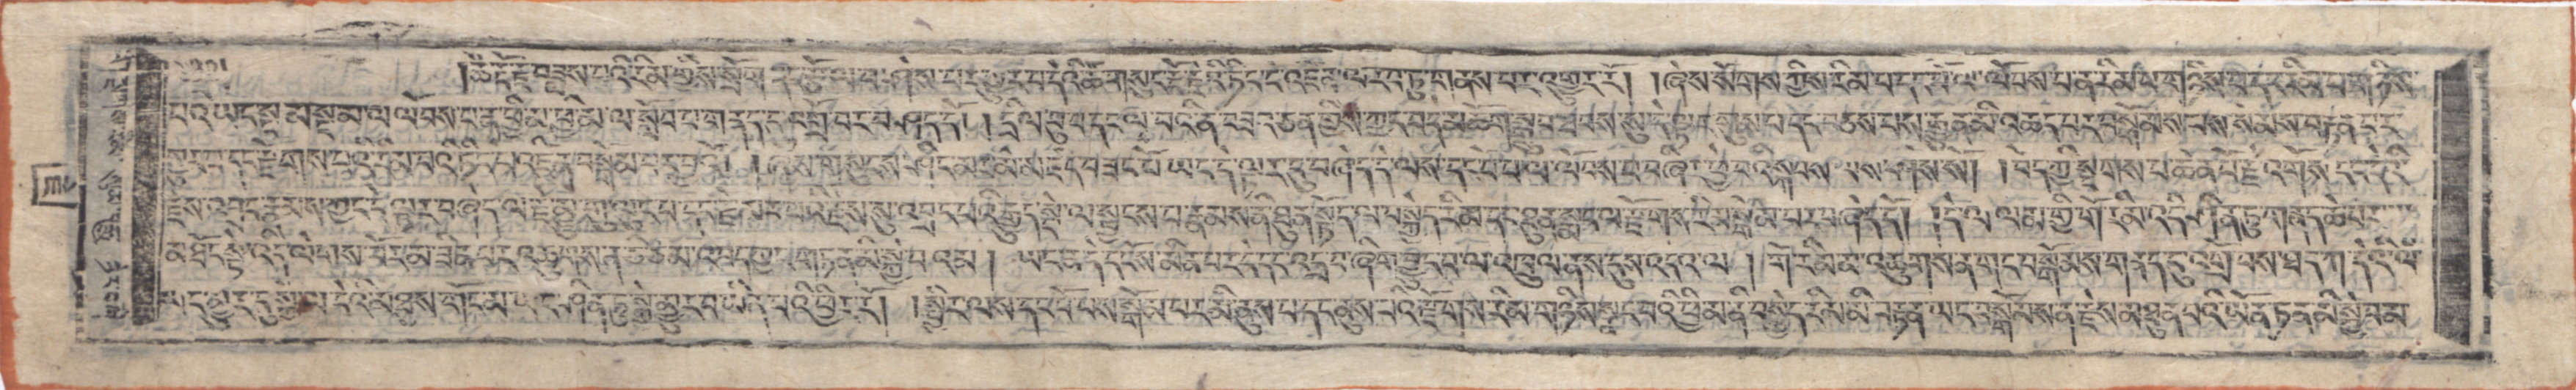༄༅། །ཚེ་རྡོ་རྗེ་བཟླས་པའི་རིམ་གྱིས་སྲོག་དང་རྩོལ་བ་ཤེས་པར་གྱུར་པ་དེའི་ཚེ་གསུང་རྡོ་རྗེའི་ཏིང་ངེ་འཛིན་ལ་རབ་ཏུ་གནས་པར་འགྱུར་རོ། །ཞེས་སོགས་ཀྱིས་རིམ་པ་དང་པོ་ལ་ལོབས་པར་ན་རིམ་པ་གཉིས་པ་དང་རིམ་པ་གཉིས་
པའི་ཡང་སྔ་མ་སྔ་མ་ལ་ལོབས་པ་ན་ཕྱི་མ་ཕྱི་མ་ལ་སློབ་པ་གནད་དུ་འགྲོ་བར་བཤད་དོ། །དྲིལ་བུ་པ་དང་ལྭ་བའི་ན་བཟའ་ཅན་གྱིས་ཀྱང་བདེ་མཆོག་སྒྲུབ་ཐབས་སུ་དེ་ལྟར་གུས་པ་དང་བཅས་པས་རྒྱུན་མི་འཆད་པར་བསྒོམས་པས་སེམས་བརྟན་པར་
གྱུར་པ་དང་རྫོགས་པའི་རིམ་པའི་ཏིང་ངེ་འཛིན་བསྒོམ་པར་བྱའོ། །ཞེས་གསུངས་ཤིང་མར་མེ་མཛད་བཟང་པོ་ཡང་དེ་ལྟར་དུ་བཞེད་དེ་ལས་དང་པོ་པ་ལ་ལོབས་པ་བཞིར་ཕྱེ་བའི་སྐབས་ལས་ཤེས་སོ། །བོད་ཀྱི་སྔགས་པ་ཆེན་པོ་རྗེ་འགོས་དང་དེའི་
རྗེས་འབྲང་རྣམས་ཀྱང་དེ་ལྟར་བཞེད་ལ་རྗེ་མྱུ་གུ་ལུང་པ་དང་རྗེ་མར་པའི་རྗེས་སུ་འབྲང་པའི་རྒྱུད་སྡེ་ལ་སྦྱངས་པ་རྣམས་ནི་ཐུན་སྟོད་ལ་བསྐྱེད་རིམ་དང་ཐུན་སྨད་ལ་རྫོགས་རིམ་སྒོམ་པར་བཞེད་དོ། །དེ་ལ་ལམ་གྱི་གོ་རིམ་འདི་ཤིན་ཏུ་གནད་ཆེ་པར་
མཐོང་སྟེ་འདི་ལེགས་པོར་མ་ཟིན་པར་འཆུགས་ན་ཅི་ཙམ་འབད་ཀྱང་གཏན་མི་སྐྱེ་བའམ། ཡང་ན་དེ་དངོས་མིན་པར་དེ་དང་འདྲ་བ་ཞིག་བྱུང་བ་ལ་འཁྲུལ་ནས་དུས་འདའ་ལ། གོ་རིམ་མ་འཆུགས་ན་གང་བསྒོམས་གནད་དུ་འགྲོ་བས་ཐད་ཀ་དེའི་ལཾ་
ཡང་མྱུར་དུ་སྐྱེ་ལ་དེའི་མཐུས་གོང་མ་ཡང་ཤིན་ཏུ་སྐྱེ་མྱུར་བ་ཡིན་པའི་ཕྱིར་རོ། །སྤྱིར་ལས་དང་པོ་པས་སྒོམ་པར་མི་ནུས་པ་དང་ནུས་པའི་རྫོགས་རིམ་གཉིས་སྣང་བའི་ཕྱི་མ་ནི་བསྐྱེད་རིམ་མི་བརྟན་ཡང་བསྒོམས་ན་རྗེས་མཐུན་པའི་ཡོན་ཏན་མི་སྐྱེ་བ་མ་